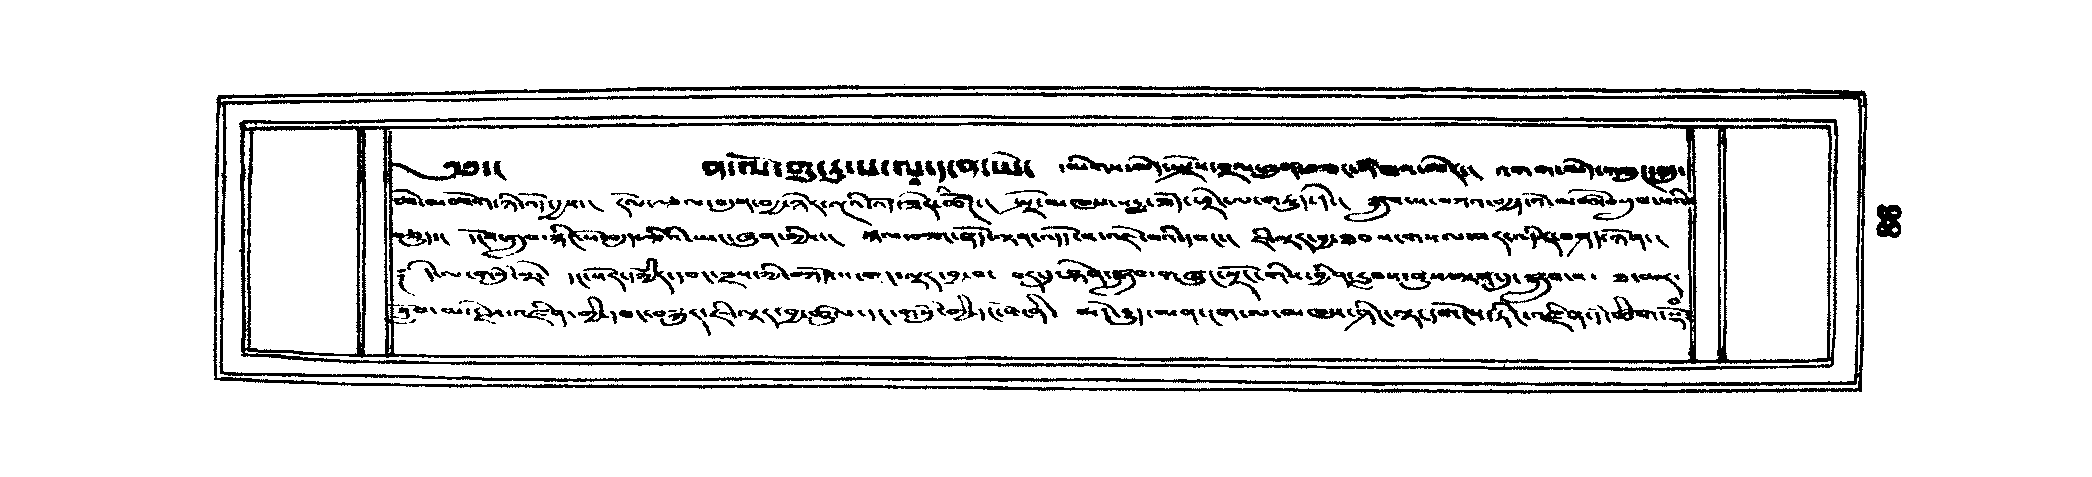ན་མོ་གུ་རུ་ས་མཱ་དཱ་ན་ཡེ། དམིགས་མེད་སྤྲོས་བྲལ་ཀུན་བཟང་ནམ་མཁའ་ཆེར། འགག་མེད་གཟུགས་སྐུ་
ཆེ་མདཆོག་ཉི་འོད་རྒྱས། རོལ་རྩལ་བདུན་བརྒྱ་ཉེར་ལྔའི་འོད་ཟེར་ཚོགས། སྤྲོ་མཁས་པདྨ་ཐོད་ཕྲེང་ལ་གཏུད་དེ། སྒྲུབ་པ་བཀའ་བརྒྱད་འོ་མཚོ་བསུབ་པའི་
བཅུད། དངོས་གྲུབ་སྙིང་པོ་བདུད་རྩིའི་ཡང་ཞུན་གྱིས། སྐལ་བཟང་ནོད་ལྡན་འདོད་བ་འཇོ་བའི་དབང་། ཇི་ལྟར་བྱ་ཐབས་གསལ་བར་འདིར་བཤད་ཉོན། 
༈ དེ་ལ་གསུམ་སྟེ། དང་པོར་དཀྱིལ་འཁོར་དབང་རྫས་ཀྱི་བཀོད་པ་གང་ལྟར་བྱ་བ། བར་དུ་སྙེན་སྒྲུབ་གཞུང་སྲོང་གི་བྱིན་རླབས་ནུས་ལནད་དུ་སྒྲུབ་པ། ཐ་མར་
སློབ་མ་རྗེས་འཛིན་གྱི་དབང་བསྐུར་ཇི་ལྟར་བྱ་ཚུལ་དག་གསུམ་གྱི་དང་པོ་ནི། མོད་རྒྱུད་མན་ངག་ལ་མཁས་ཤིང་ལྟ་དགོངས་ཏིང་འཛིན་དམ་ཚིག་སྡོམ་